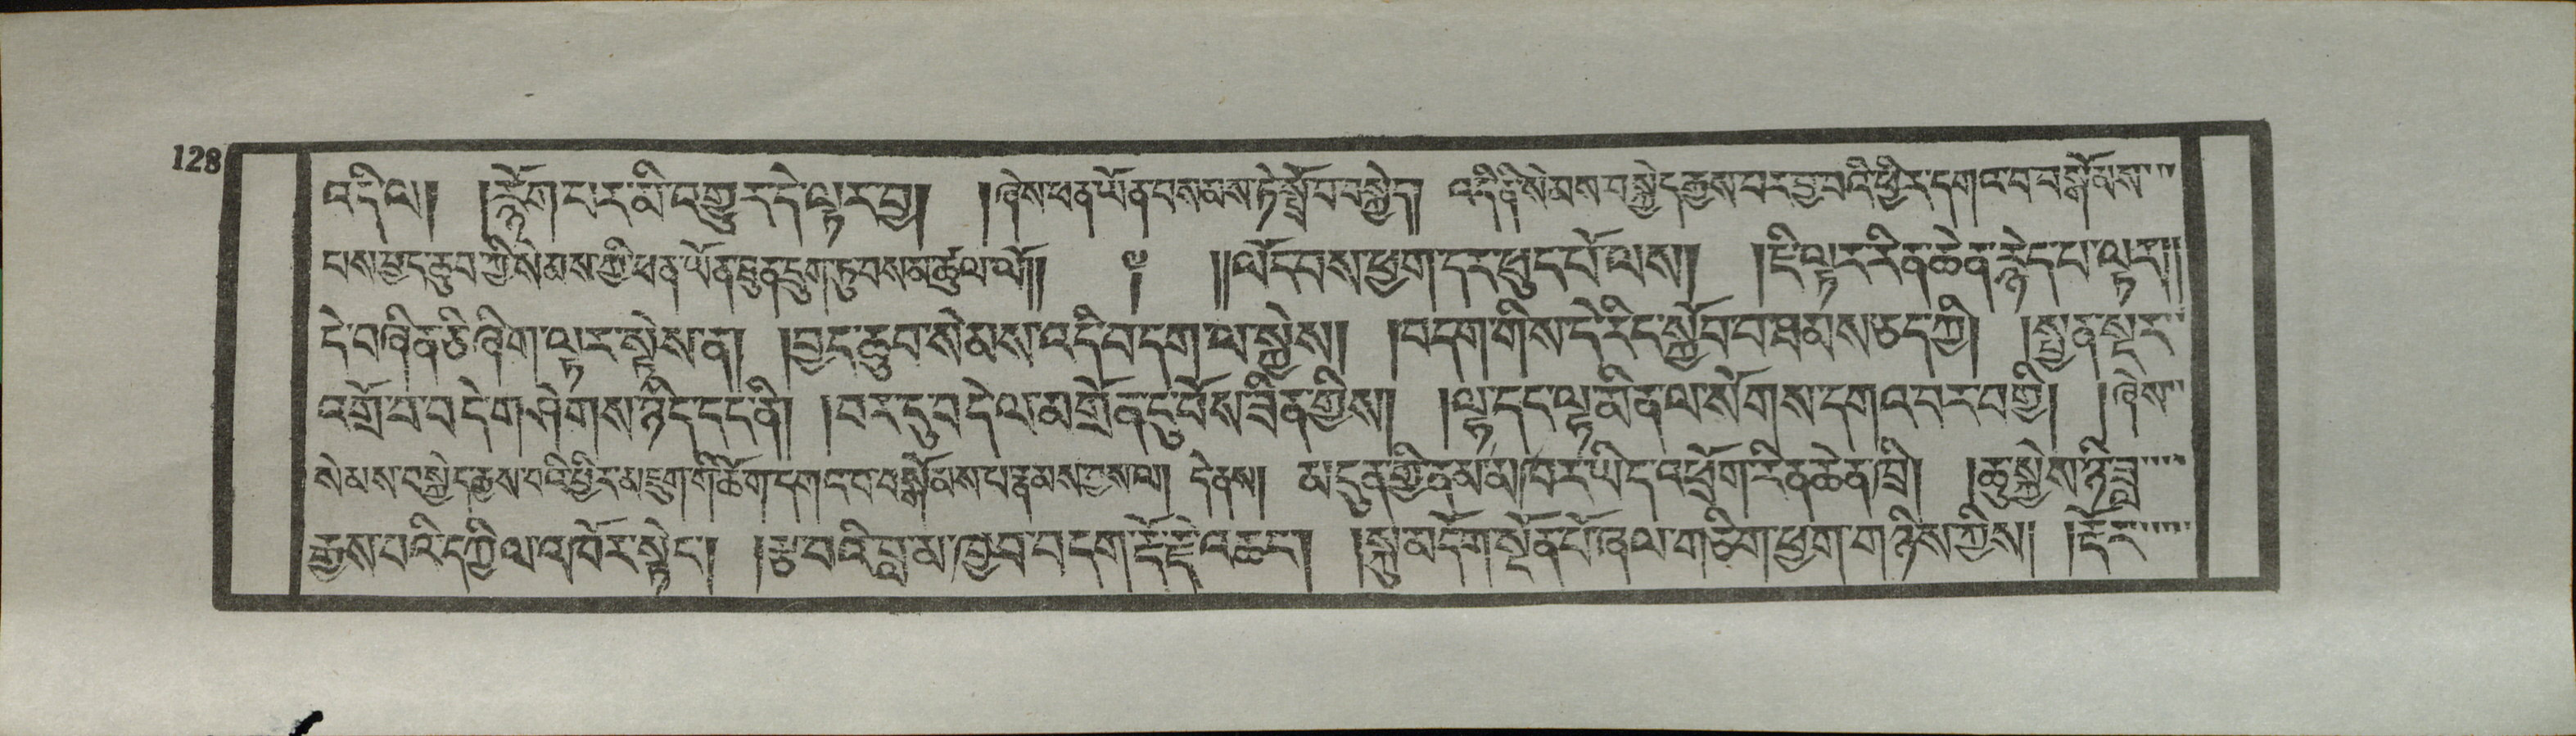འདི་ལ། །རྙོག་པར་མི་འགྱུར་དེ་ལྟར་བྱ། །ཞེས་ཕན་ཡོན་བསམས་ཏེ་སྤྲོ་བ་བསྐྱེད། འདི་ནི་སེམས་བསྐྱེད་རྒྱས་པར་བྱ་བའི་ཕྱིར་དགའ་བ་བསྒོམས་
པས་བྱང་ཆུབ་ཀྱི་སེམས་ཀྱི་ཕན་ཡོན་ཐུན་དྲུག་ཏུ་བསམ་ཚུལ་ལོ།། ༈ །།ལོང་བས་ཕྱག་དར་ཕུང་པོ་ལས། །ཇི་ལྟར་རིན་ཆེན་རྙེད་པ་ལྟར།།
དེ་བཞིན་ཅི་ཞིག་ལྟར་སྟེས་ན། །བྱང་ཆུབ་སེམས་འདི་བདག་ལ་སྐྱེས། །བདག་གིས་དེ་རིང་སྐྱོབ་པ་ཐམས་ཅད་ཀྱི། །སྤྱན་སྔར་འགྲོ་བ་བདེ་གཤེགས་ཉིད་དང་ནི། །བར་དུ་བདེ་ལ་མགྲོན་དུ་བོས་ཟིན་གྱིས། །ལྷ་དང་ལྷ་མིན་ལ་སོགས་དགའ་བར་བགྱི། །ཞེས་
སེམས་བསྐྱེད་རྒྱས་པའི་ཕྱིར་མཇུག་གི་ཆོ་ག་དགའ་བ་བསྒོམས་པ་རྣམས་བྱས་ལ། དེ་ནས། མདུན་གྱི་ནམ་མཁར་ཡིད་འཕྲོག་རིན་ཆེན་ཁྲི། །ཆུ་སྐྱེས་ཉི་ཟླ་
རྒྱས་པའི་དཀྱིལ་འཁོར་སྟེང་། །རྩ་བའི་བླ་མ་ཁྱབ་བདག་རྡོ་རྗེ་འཆང་། །སྐུ་མདོག་སྔོན་པོ་ཞལ་གཅིག་ཕྱག་གཉིས་ཀྱིས། །རྡོར་